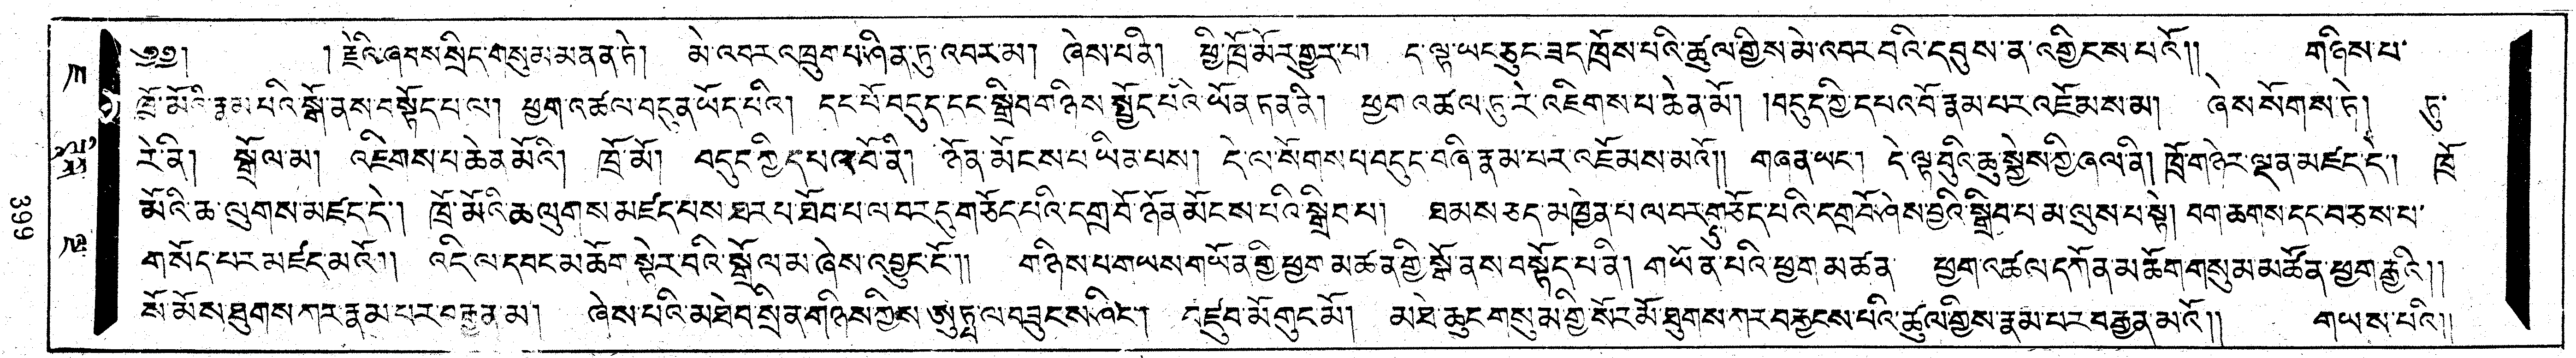༄༅། །རྗེའི་ཞབས་སྲིད་གསུམ་མནན་ཏེ། མེ་འབར་འཁྲུག་པ་ཤིན་ཏུ་འབར་མ། ཞེས་པ་ནི། ཕྱི་ཁྲོ་མོར་གྱུར་པ། ད་ལྟ་ཡང་ཅུང་ཟད་ཁྲོས་པའི་ཚུལ་གྱིས་མེ་འབར་བའི་དབུས་ན་འགྱིངས་པའོ།། གཉིས་པ་
ཁྲོ་མོའི་རྣམ་པའི་སྒོ་ནས་བསྟོད་པ་ལ། ཕྱག་འཚལ་བདུན་ཡོད་པའི། དང་པོ་བདུད་དང་སྒྲིབ་གཉིས་སྤྱོད་པའི་ཡོན་ཏན་ནི། ཕྱག་འཚལ་ཏུ་རེ་འཇིགས་པ་ཆེན་མོ། །བདུད་ཀྱི་དཔའ་བོ་རྣམ་པར་འཇོམས་མ། ཞེས་སོགས་ཏེ། ཏུ་
རེ་ནི། སྒྲོལ་མ། འཇིགས་པ་ཆེན་མོའི། ཁྲོ་མོ། བདུད་ཀྱི་དཔའ་བོ་ནི། ཉོན་མོངས་པ་ཡིན་པས། དེ་ལ་སོགས་པ་བདུད་བཞི་རྣམ་པར་འཇོམས་མའོ།། གཞན་ཡང་། དེ་ལྟ་བུའི་ཆུ་སྐྱེས་ཀྱི་ཞལ་ནི། ཁྲོ་གཉེར་ལྡན་མཛད་དེ། ཁྲོ་
མོའི་ཆ་ལུགས་མཛད་དེ། ཁྲོ་མོའི་ཆ་ལུགས་མཛད་པས་ཐར་པ་ཐོབ་པ་ལ་བར་དུ་གཅོད་པའི་དགྲ་བོ་ཉོན་མོངས་པའི་སྒྲིབས། ཐམས་ཅད་མཁྱེན་པ་ལ་བར་དུ་གཅོད་པའི་དགར་བོ་ཤེས་བྱའི་སྒྲིབ་པ་མ་ལུས་པ་སྟེ། བག་ཆགས་དང་བཅས་པ་
གསོད་པར་མཛད་མའོ།། འདི་ལ་དབང་མཆོག་སྟེར་བའི་སྒྲོལ་མ་ཞེས་འབྱུང་ངོ།། གཉིས་པ་གཡས་གཡོན་གྱི་ཕྱག་མཚན་གྱི་སྒོ་ནས་བསྟོད་པ་ནི། གཡོན་པའི་ཕྱག་མཚན་ཕྱག་འཚལ་དཀོན་མཆོག་གསུམ་མཚོན་ཕྱག་རྒྱའི།།
སོ་མོས་ཐུགས་ཀར་རྣམ་པར་བརྒྱན་མ། ཞེས་པའི་མཐེབ་སྲིན་གཉིས་ཀྱིས་ཨུཏྤ་ལ་བཟུངས་ཤིང་། བྫུབ་མོ་གུང་མོ། མཐེ་ཆུང་གསུམ་གྱི་སོར་མོ་ཐུགས་ཀར་བརྐྱངས་པའི་ཚུལ་གྱིས་རྣམ་པར་བརྒྱན་མའོ།། གཡས་པའི།།